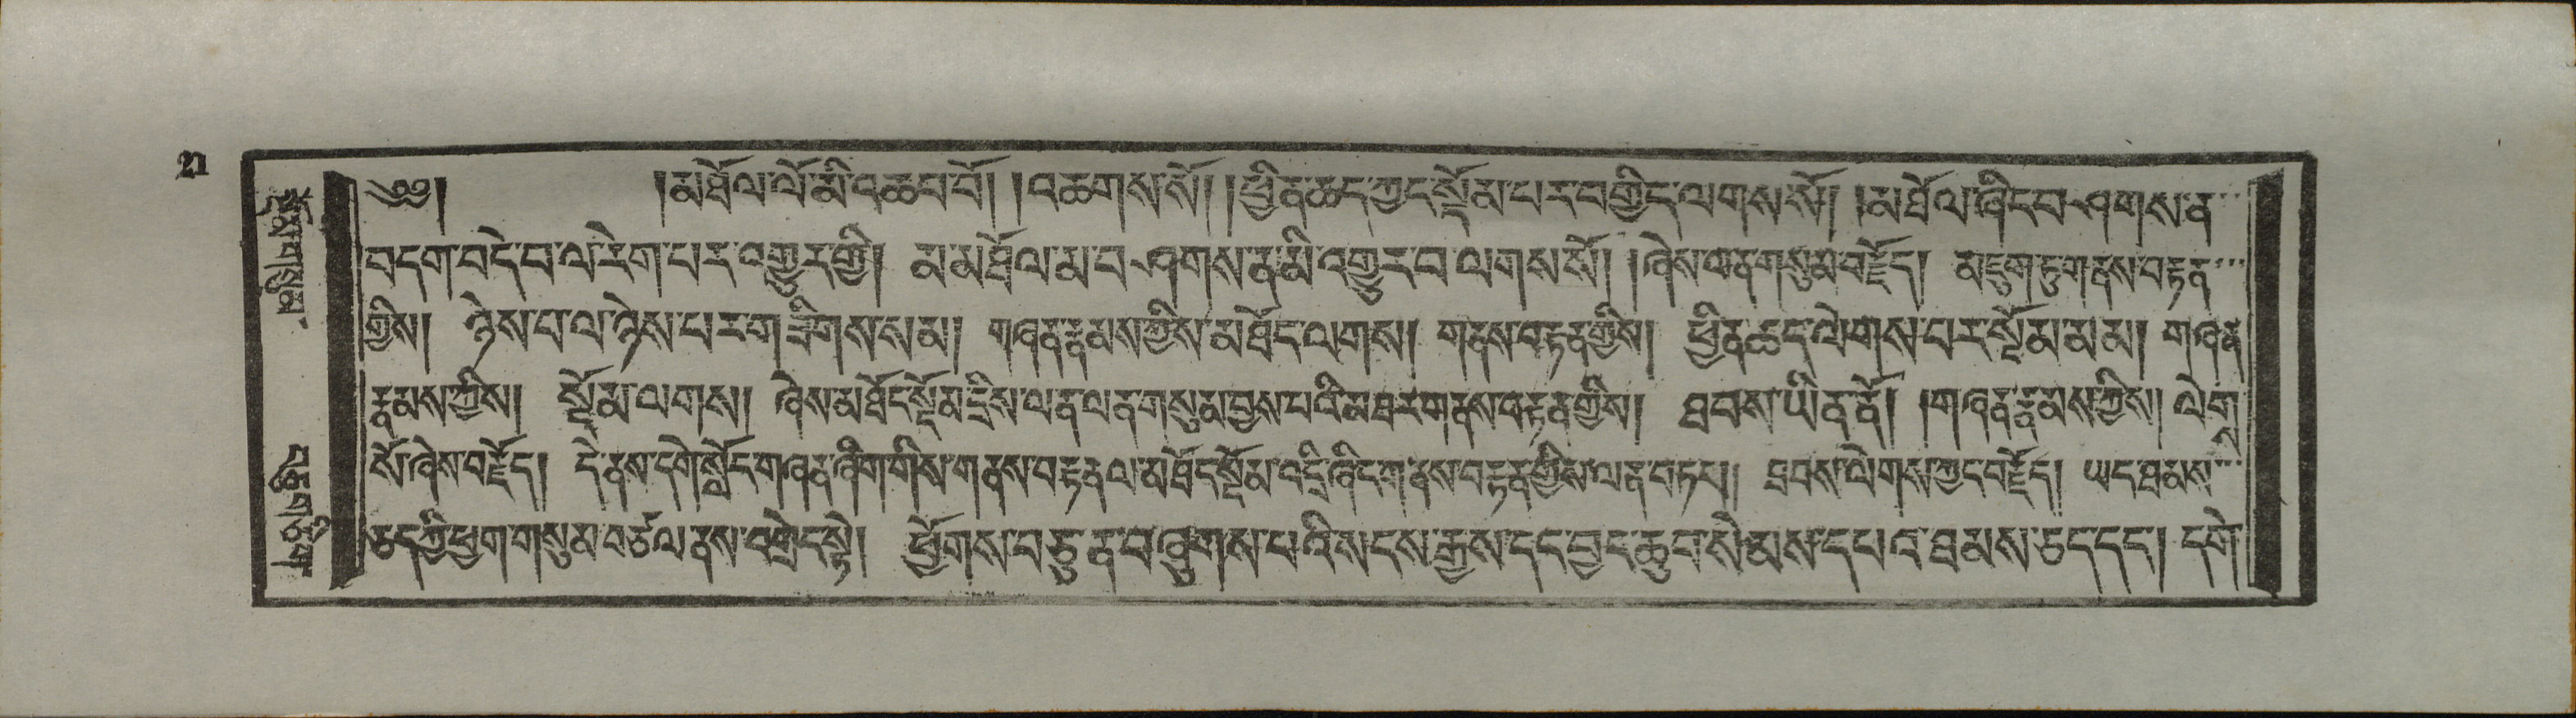༄༅། །མཐོལ་ལོ་མི་འཆབ་བོ། །འཆགས་སོ། །ཕྱིན་ཆད་ཀྱང་སྡོམ་པར་བགྱིད་ལགས་སོ། །མཐོལ་ཞིང་བཤགས་ན་
བདག་བདེ་བ་ལ་རེག་པར་འགྱུར་གྱི། མ་མཐོལ་མ་བཤགས་ན་མི་འགྱུར་བ་ལགས་སོ། །ཞེས་ལན་གསུམ་བརྗོད། མཇུག་ཏུ་གནས་བརྟན་
གྱིས། ཉེས་པ་ལ་ཉེས་པར་གཟིགས་སམ། གཞན་རྣམས་ཀྱིས་མཐོང་ལགས། གནས་བརྟན་གྱིས།  ཕྱིན་ཆད་ལེགས་པར་སྡོམ་མམ། གཞན་
རྣམས་ཀྱིས། སྡོམ་ལགས། ཞེས་མཐོང་སྡོམ་དྲིས་ལན་ལན་གསུམ་བྱས་པའི་མཐར་གནས་བརྟན་གྱིས།  ཐབས་ཡིན་ནོ། །གཞན་རྣམས་ཀྱིས།  ལེགས་
སོ་ཞེས་བརྗོད། དེ་ནས་དགེ་སློང་གཞན་ཞིག་གིས་གནས་བརྟན་ལ་མཐོང་སྡོམ་འདྲི་ཞིང་གནས་བརྟན་གྱིས་ལན་བཏག། །ཐབས་ལེགས་ཀྱང་བརྗོད། ཡང་ཐམས་
ཅད་ཀྱི་ཕྱག་གསུམ་བཙལ་ནས་བགྲེང་སྟེ། ཕྱོགས་བཅུ་ན་བཞུགས་པའི་སངས་རྒྱས་དང་བྱང་ཆུབ་སེམས་དཔའ་ཐམས་ཅད་དང་། དགེ་